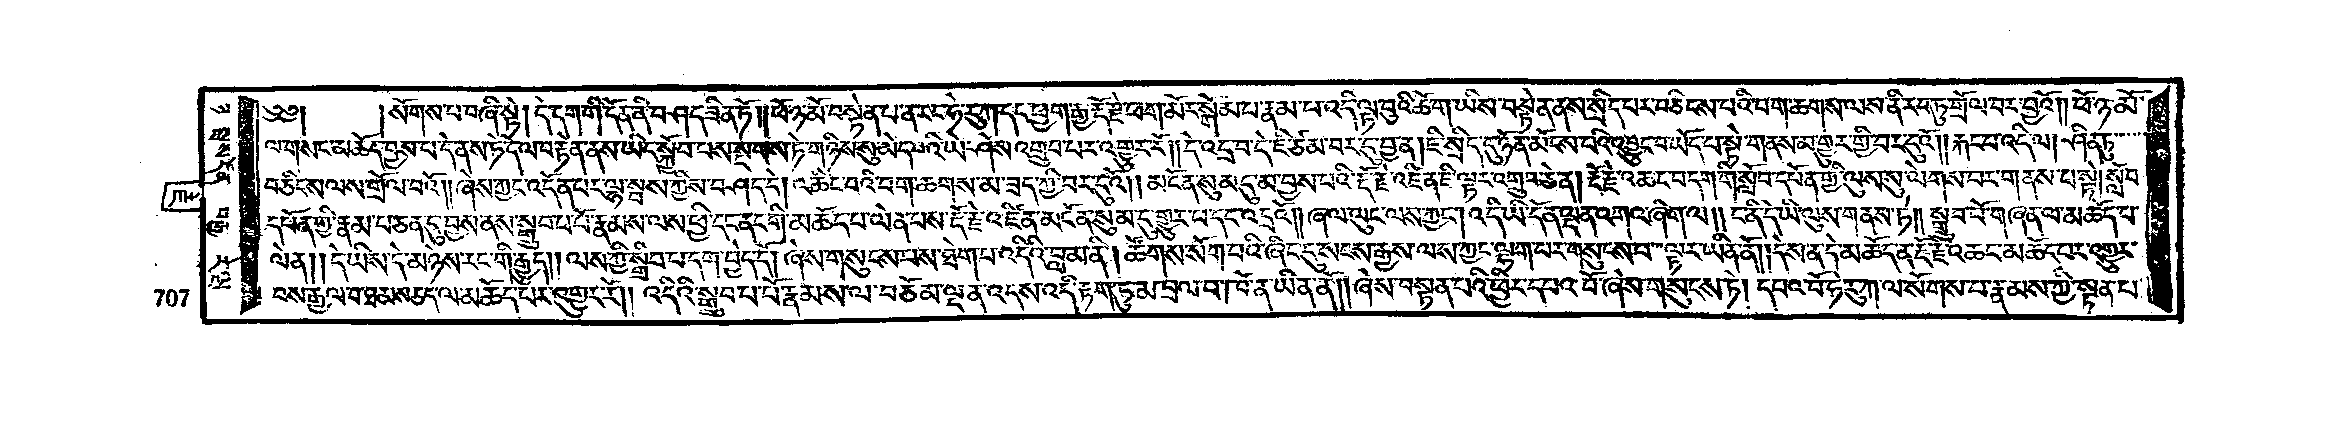༄༅། །སོགས་པ་བཞི་སྟེ། དེ་དག་གི་དོན་ནི་བཤད་ཟིན་ཏོ། །ཕོ་ཉ་མོ་བསྟེན་པ་ན་རང་ཧེ་རུ་ཀ་དང་ཕྱག་རྒྱ་རྡོ་རྗེ་ཕག་མོར་སྒོམ་པ་རྣམ་པ་འདི་ལྟ་བུའི་ཆོ་ག་ཡིས་བསྟེན་ནས་སྲེད་པར་བཅིངས་པའི་བག་ཆགས་ལས་ནི་རབ་ཏུ་གྲོལ་བར་བྱའོ། །ཕོ་ཉ་མོ་
ལ་གསང་མཆོད་བྱས་པ་དེ་ནས་ཏེ་དེ་ལ་བརྟེན་ནས་ཡིད་སྐྱོབ་པས་སྔགས་ཏེ་གཉིས་སུ་མེད་པའི་ཡེ་ཤེས་འགྲུབ་པར་འགྱུར་རོ། །དེ་འདྲ་བ་དེ་ཇི་ཙམ་བར་དུ་བྱ་ན། ཇི་སྲེད་དུ་ཉོན་མོངས་པའི་འབྱུང་བ་ཡོད་པ་སྟེ་གནས་མ་གྱུར་གྱི་བར་དུའོ། །རྐང་པ་འདི་ལ། ཤིན་ཏུ་
བཅིངས་ལས་གྲོལ་བའོ། །ཞེས་ཀྱང་འདོན་པར་ལྷ་སྦས་ཀྱིས་བཤད་དེ། འཆིང་བའི་བག་ཆགས་མ་ཟད་ཀྱི་བར་དུའོ། །མངོན་སུམ་དུ་མ་བྱས་པའི་རྡོ་རྗེ་འཛིན་ཇི་ལྟར་འགྲུབ་ཅེ་ན། རྡོ་རྗེ་འཆང་བདག་གི་སློབ་དཔོན་གྱི་ལུས་སུ་ལེགས་པར་གནས་པ་སྟེ། སློབ་
དཔོན་གྱི་རྣམ་པ་ཅན་དུ་བྱས་ནས་སྒྲུབ་པ་པོ་རྣམས་ལས་ཕྱི་དང་ནང་གི་མཆོད་པ་ལེན་པས་རྡོ་རྗེ་འཛིན་མངོན་སུམ་དུ་གྱུར་པ་དང་འདྲའོ། །ཞལ་ལུང་ལས་ཀྱང་། འདི་ཡི་དོན་ལྡན་འགའ་ཞིག་ལ། །ང་ནི་དེ་ཡི་ལུས་གནས་ཏེ། །སྒྲུབ་པོ་གཞན་ལ་མཆོད་པ་
ལེན། །དེ་ཡིས་དེ་མཉེས་རང་གི་རྒྱུད། །ལས་ཀྱི་སྒྲིབ་པ་དག་བྱེད་དོ། ཞེས་གསུངས་པས་ཐེག་པ་འདིའི་བླ་མ་ནི། ཚོགས་སོག་པའི་ཞིང་དུ་སངས་རྒྱས་ལས་ཀྱང་ལྷག་པར་གསུངས་པ་ལྟར་ཡིན་ནོ། །དེས་ན་དེ་མཆོད་ན་རྡོ་རྗེ་འཆང་མཆོད་པར་འགྱུར་
བས་རྒྱལ་བ་ཐམས་ཅད་ལ་མཆོད་པར་འགྱུར་རོ། །འདིའི་སྒྲུབ་པ་པོ་རྣམས་ལ་བཅོམ་ལྡན་འདས་འདི་རྟག་ཏུ་མ་བྲལ་བ་ཁོ་ན་ཡིན་ནོ། །ཞེས་བསྟན་པའི་ཕྱིར་དཔའ་བོ་ཞེས་གསུངས་ཏེ། དཔའ་བོ་ཧེ་རུ་ཀ་ལ་སོགས་པ་རྣམས་ཀྱི་སྟན་དྲག་?